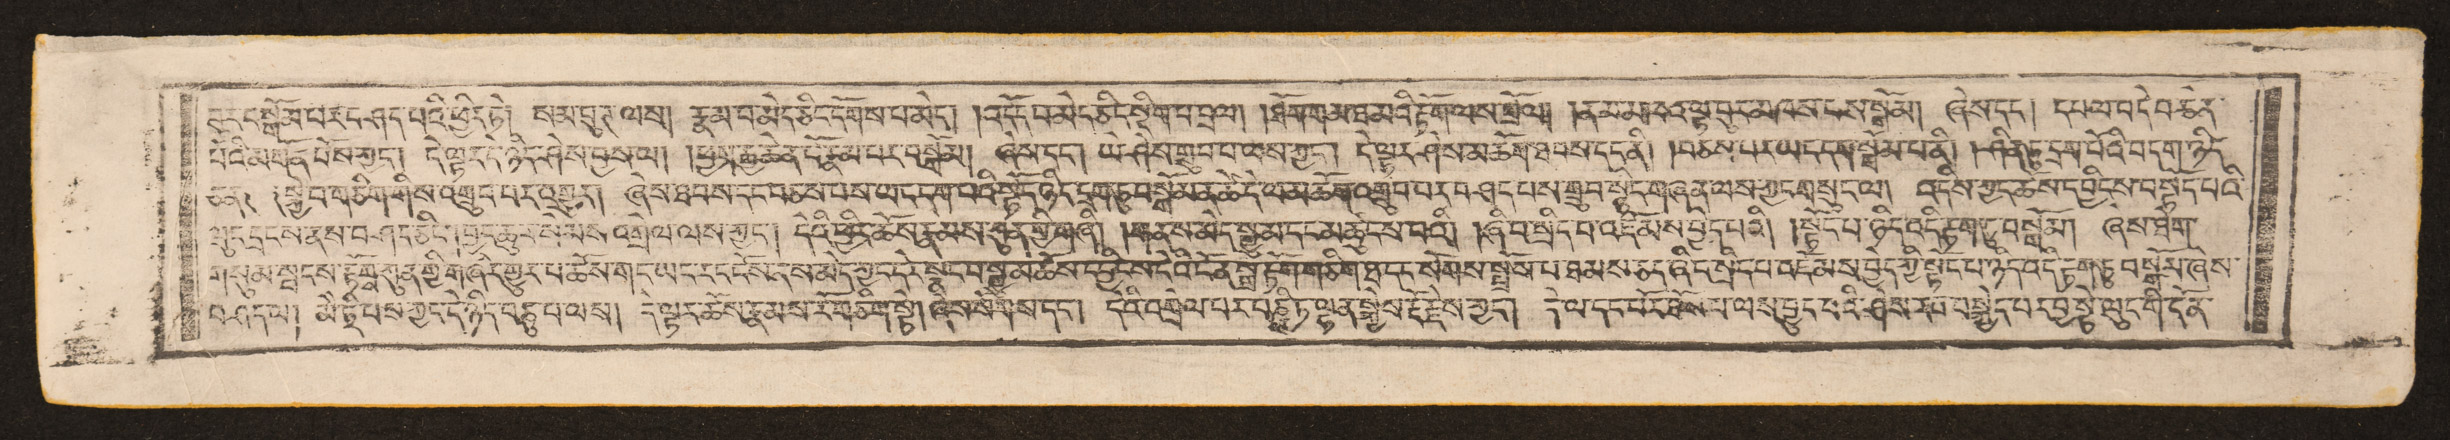བུར་བསྒོམ་པར་བཤད་པའི་ཕྱིར་ཏེ། སམ་བུ་ཊ་ལས། རྣམ་པ་མེད་ཅིང་དོགས་པ་མེད། །འདོད་པ་མེད་ཅིང་སྡིག་པ་བྲལ། །ཐོག་གམ་ཐ་མའི་རྟོག་ལས་གྲོལ། །ནམ་མཁའ་ལྟ་བུར་མཁས་པས་སྒོམ། ཞེས་དང་། དཔལ་བདེ་བ་ཆེན་
པོའི་མགོན་པོས་ཀྱང་། དེ་ལྟར་དེ་ཉིད་ཤེས་བྱས་ལ། །ཕྱག་རྒྱ་ཆེན་པོ་རྣམ་པར་བསྒོམ། ཞེས་དང་། ཡེ་ཤེས་གྲུབ་པ་ལས་ཀྱང་། དེ་ལྟར་ཤེས་མཆོག་ཐབས་དང་ནི། །བཅས་པར་ཡང་དག་སྒོམ་པ་ནི། །ཤིན་ཏུ་དྲག་པོའི་བདག་ཉིད་
ཅན༑ ༑སྐྱེ་བ་གཅིག་གིས་འགྲུབ་པར་འགྱུར། ཞེས་ཐབས་དང་བཅས་པས་ཡང་དག་པའི་སྟོང་ཉིད་དྲག་ཏུ་བསྒོམ་ན་ཚེ་དེ་ལ་མཆོག་འགྲུབ་པར་བཤད་པས་གྲུབ་སྙིང་གཞན་ལས་ཀྱང་གསུང་ལ། འདིས་ཀྱང་ཆོས་དབྱིངས་བསྟོད་པའི་
ལུང་དྲངས་ནས་བཤད་ཅིང་། བྱང་ཆུབ་སེམས་འགྲེལ་ལས་ཀྱང་། དེའི་ཕྱིར་ཆོས་རྣམས་ཀུན་གྱི་གཞི། །གནས་མེད་སྒྱུ་མ་དང་མཚུངས་པའི། །ཞིབ་སྲིད་བ་འཇོམས་བྱེད་པའི། །སྟོང་པ་ཉིད་འདི་རྟག་ཏུ་བསྒོམ། ཞེས་ཐེག་
གསུམ་སྦངས་རྟོགས་ཀུན་གྱི་གཞིར་གྱུར་པ་ཆོས་གང་ཡང་རང་ངོས་ནས་མེད་ཀྱང་དེར་སྣང་བ་སྒྱུ་མ་ཆོས་དབྱིངས་དེའི་དོན་?་སྒ་?་རྟོག་གཅིག་ཐ་དད་སོགས་སྤྲོས་པ་ཐམས་ཅད་ཞི་བ་སྲིད་པ་འཇོམས་བྱེད་ཀྱི་སྟོང་པ་ཉིད་འདི་རྟག་ཏུ་བསྒོམ་ཞེས་
བཤད་ལ། མཻ་ཏྲི་པས་ཀྱང་དེ་ཉིད་བཅུ་པ་ལས། དེ་ལྟར་ཆོས་རྣམས་རོ་གཅིག་སྟེ། ཞེས་སོགས་དང་། དེའི་འགྲེལ་པར་པཎྚི་ཏ་ལྷན་སྐྱེས་རྡོ་རྗེས་ཀྱང་། དེ་ལ་དང་པོར་ཐོས་པ་ལས་བྱུང་བའི་ཤེས་རབ་བསྐྱེད་པར་བྱ་སྟེ་ལུང་གི་དོན་